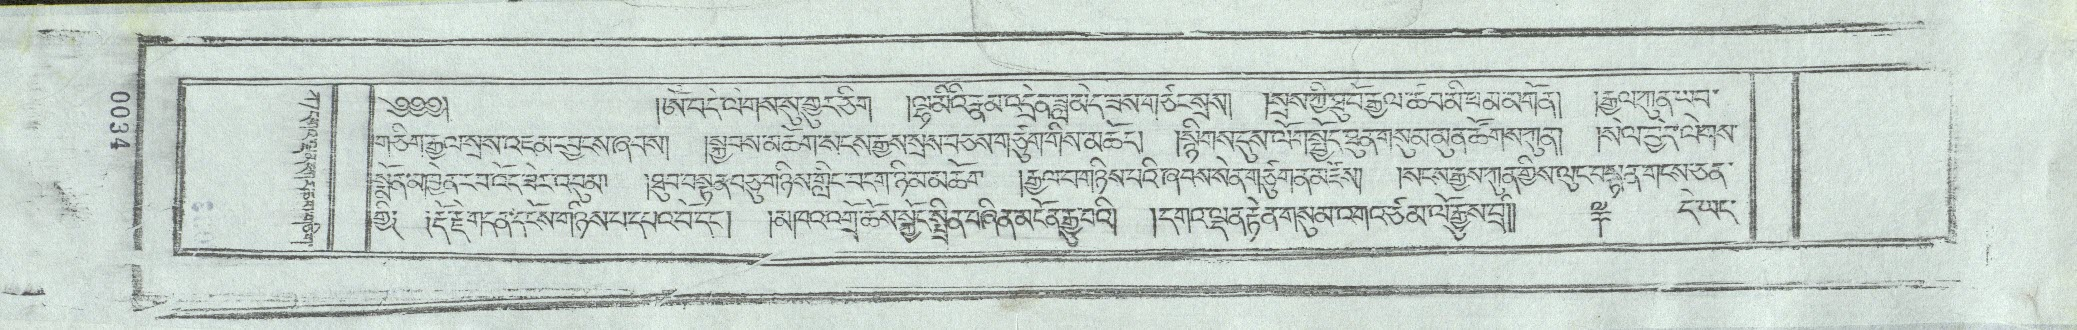༄༅༅། །ཨོཾ་བདེ་ལེགས་སུ་གྱུར་ཅིག །ལྷ་མིའི་རྣམ་འདྲེན་ཟླ་མེད་ཟས་གཙང་སྲས། །སྲས་ཀྱི་ཐུ་བོ་རྒྱལ་ཚབ་མི་ཕམ་མགོན། །རྒྱལ་ཀུན་ཡབ་
གཅིག་རྒྱལ་སྲས་འཇམ་དབྱངས་ཞབས། །སྐྱབས་མཆོག་སངས་རྒྱས་སྲས་བཅས་གཙུག་གིས་མཆོད། །སྙིགས་དུས་ལོག་སྤྱོད་ཐུན་གསུམ་མུན་ཚོགས་ཀུན། །སེལ་བྱེད་ལེགས་
སྨོན་མཁྱེན་རབ་འོད་ཟེར་འབུམ། །ཐུབ་བསྟན་བཅུ་གཉིས་གླིང་བདག་ཉི་མ་མཆོག །རྒྱལ་བ་གཉིས་པའི་ཞབས་སེན་གཙུག་ན་མཛོས། །སངས་རྒྱས་ཀུན་གྱིས་ལུང་བསྟན་གངས་ཅན་
གྱི། །རྡོ་རྗེ་གདན་དངོས་གཉིས་པ་དཔའ་བོ་དང་། །མཁའ་འགྲོ་ཆོས་སྐྱོང་སྤྲིན་བཞིན་མངོན་རྒྱུ་བའི། །དགའ་ལྡན་རྟེན་གསུམ་འགའ་ཙམ་ལོ་རྒྱུས་བྲི།། ༈ དེ་ཡང་